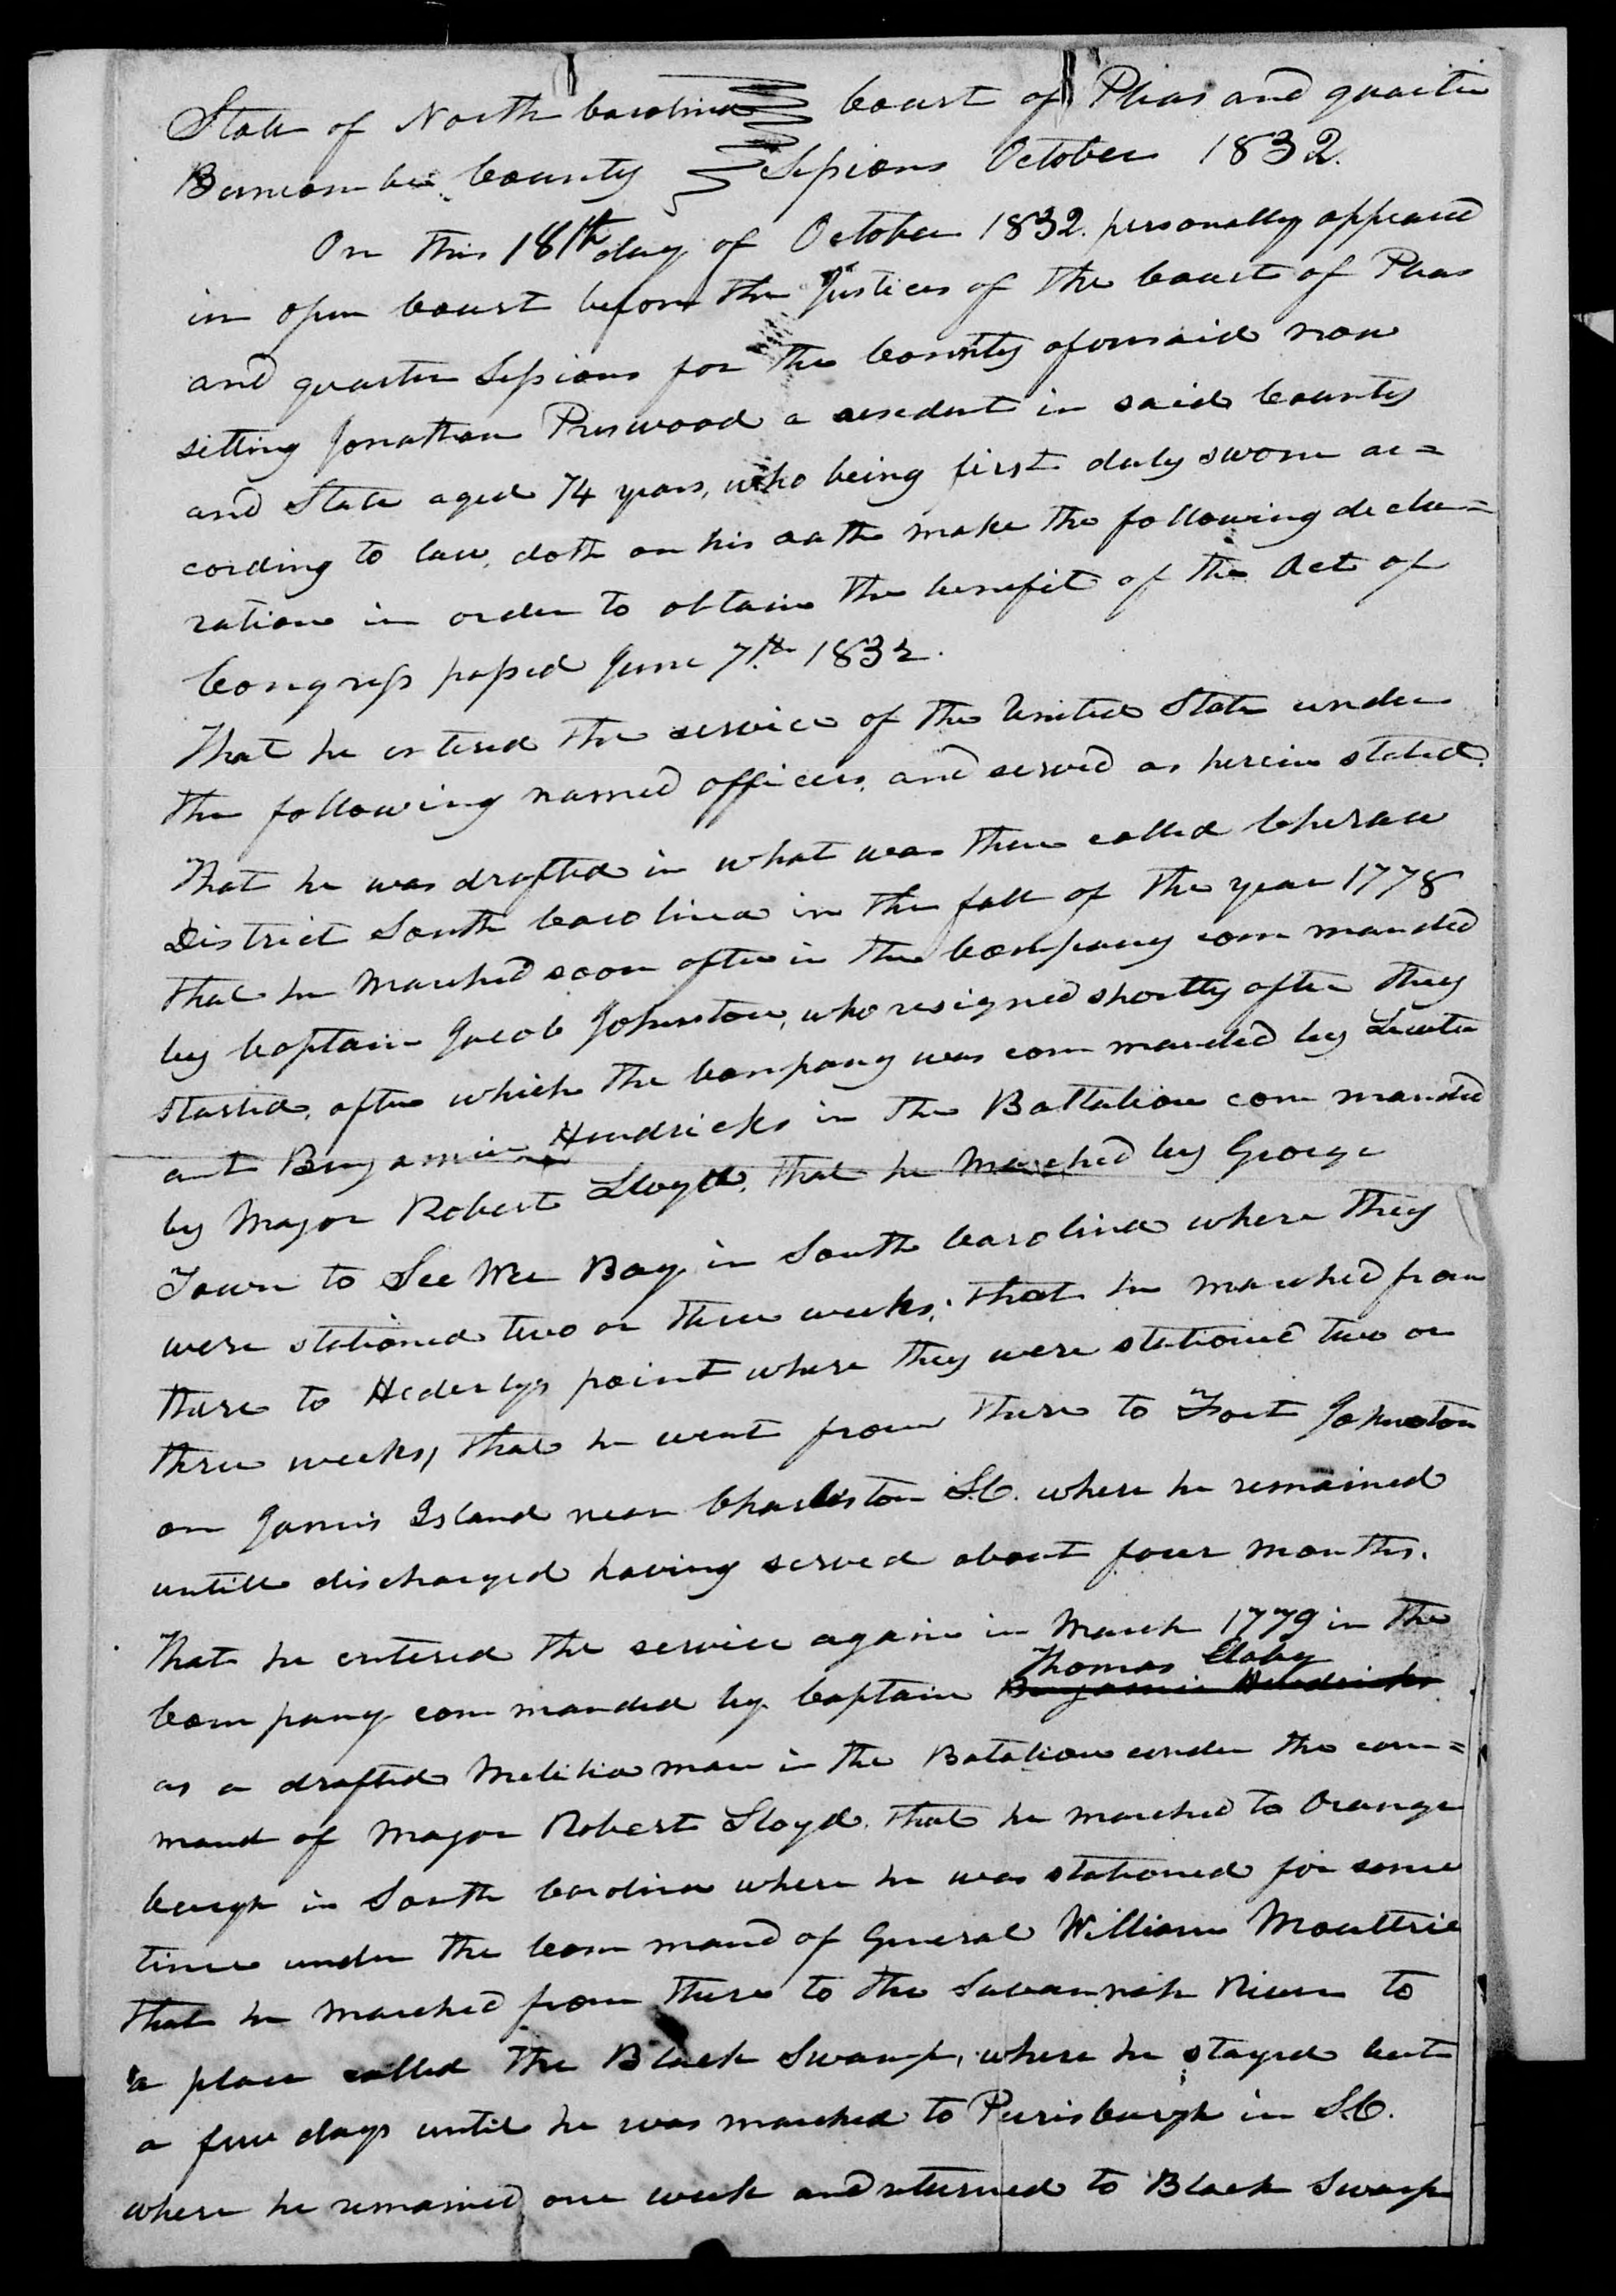State of North Carolina, Buncombe County} Court of Pleas and Quarter Sessions October 1832
On this 18th day of October 1832 personally appeared in Open Court before the Justices of the Court of Pleas and Quarter Sessions for the County aforesaid now sitting Jonathan Prestwood a resident of said County and State aged 74 years who being first duly sworn according to Law doth on his oath make the following Declaration in order to obtain the benefit of the Act of Congress passed June 7th, 1832.
That he entered the service of the United States under the following named officers and served as herein stated.
That he was drafted in what was then called Cheraw District South Carolina in the fall of the year 1778 that he marched soon after in the Company commanded by Captain Jacob
Johnston who resigned shortly after they started after which the Company was commanded by Lieutenant Benjamin Hendricks in the Battalion commanded by Major Robert Lloyd [Robert Lide], that he marched by Georgetown to SeeWee Bay [Sewee Bay] in South Carolina where they were stationed two or three weeks; that he marched from there to Haderly’s Point [Haddrell's Point] where they were stationed two or three weeks; that he went from there to Fort Johnston on James Island near Charleston, SC where he remained until discharged having served about four months; that he entered the service again in March 1779 in the Company commanded
by Captain Thomas Eleby [Thomas Ellerbee] as a drafted Militia man in the Battalion under the command of Major Robert Lloyd [Robert Lide] that he marched to Orangeburg in South
Carolina where he was stationed for some time under the command of General William Moultrie, that he marched from there to the Savannah River to a place called Black Swamp, where he stayed but a few days until he was marched to Purisburgh [Purysburg] in S. C. where he
remained one week and returned to Black Swamp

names: Thomas Elaby; William Moultrie; Jacob Johnston; Jonathan Preswood; Benjamin Hendricks; Robert Lloyd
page: 5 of 13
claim: survivor's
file: S. 8,977, for Jonathan Prestwood, South Carolina